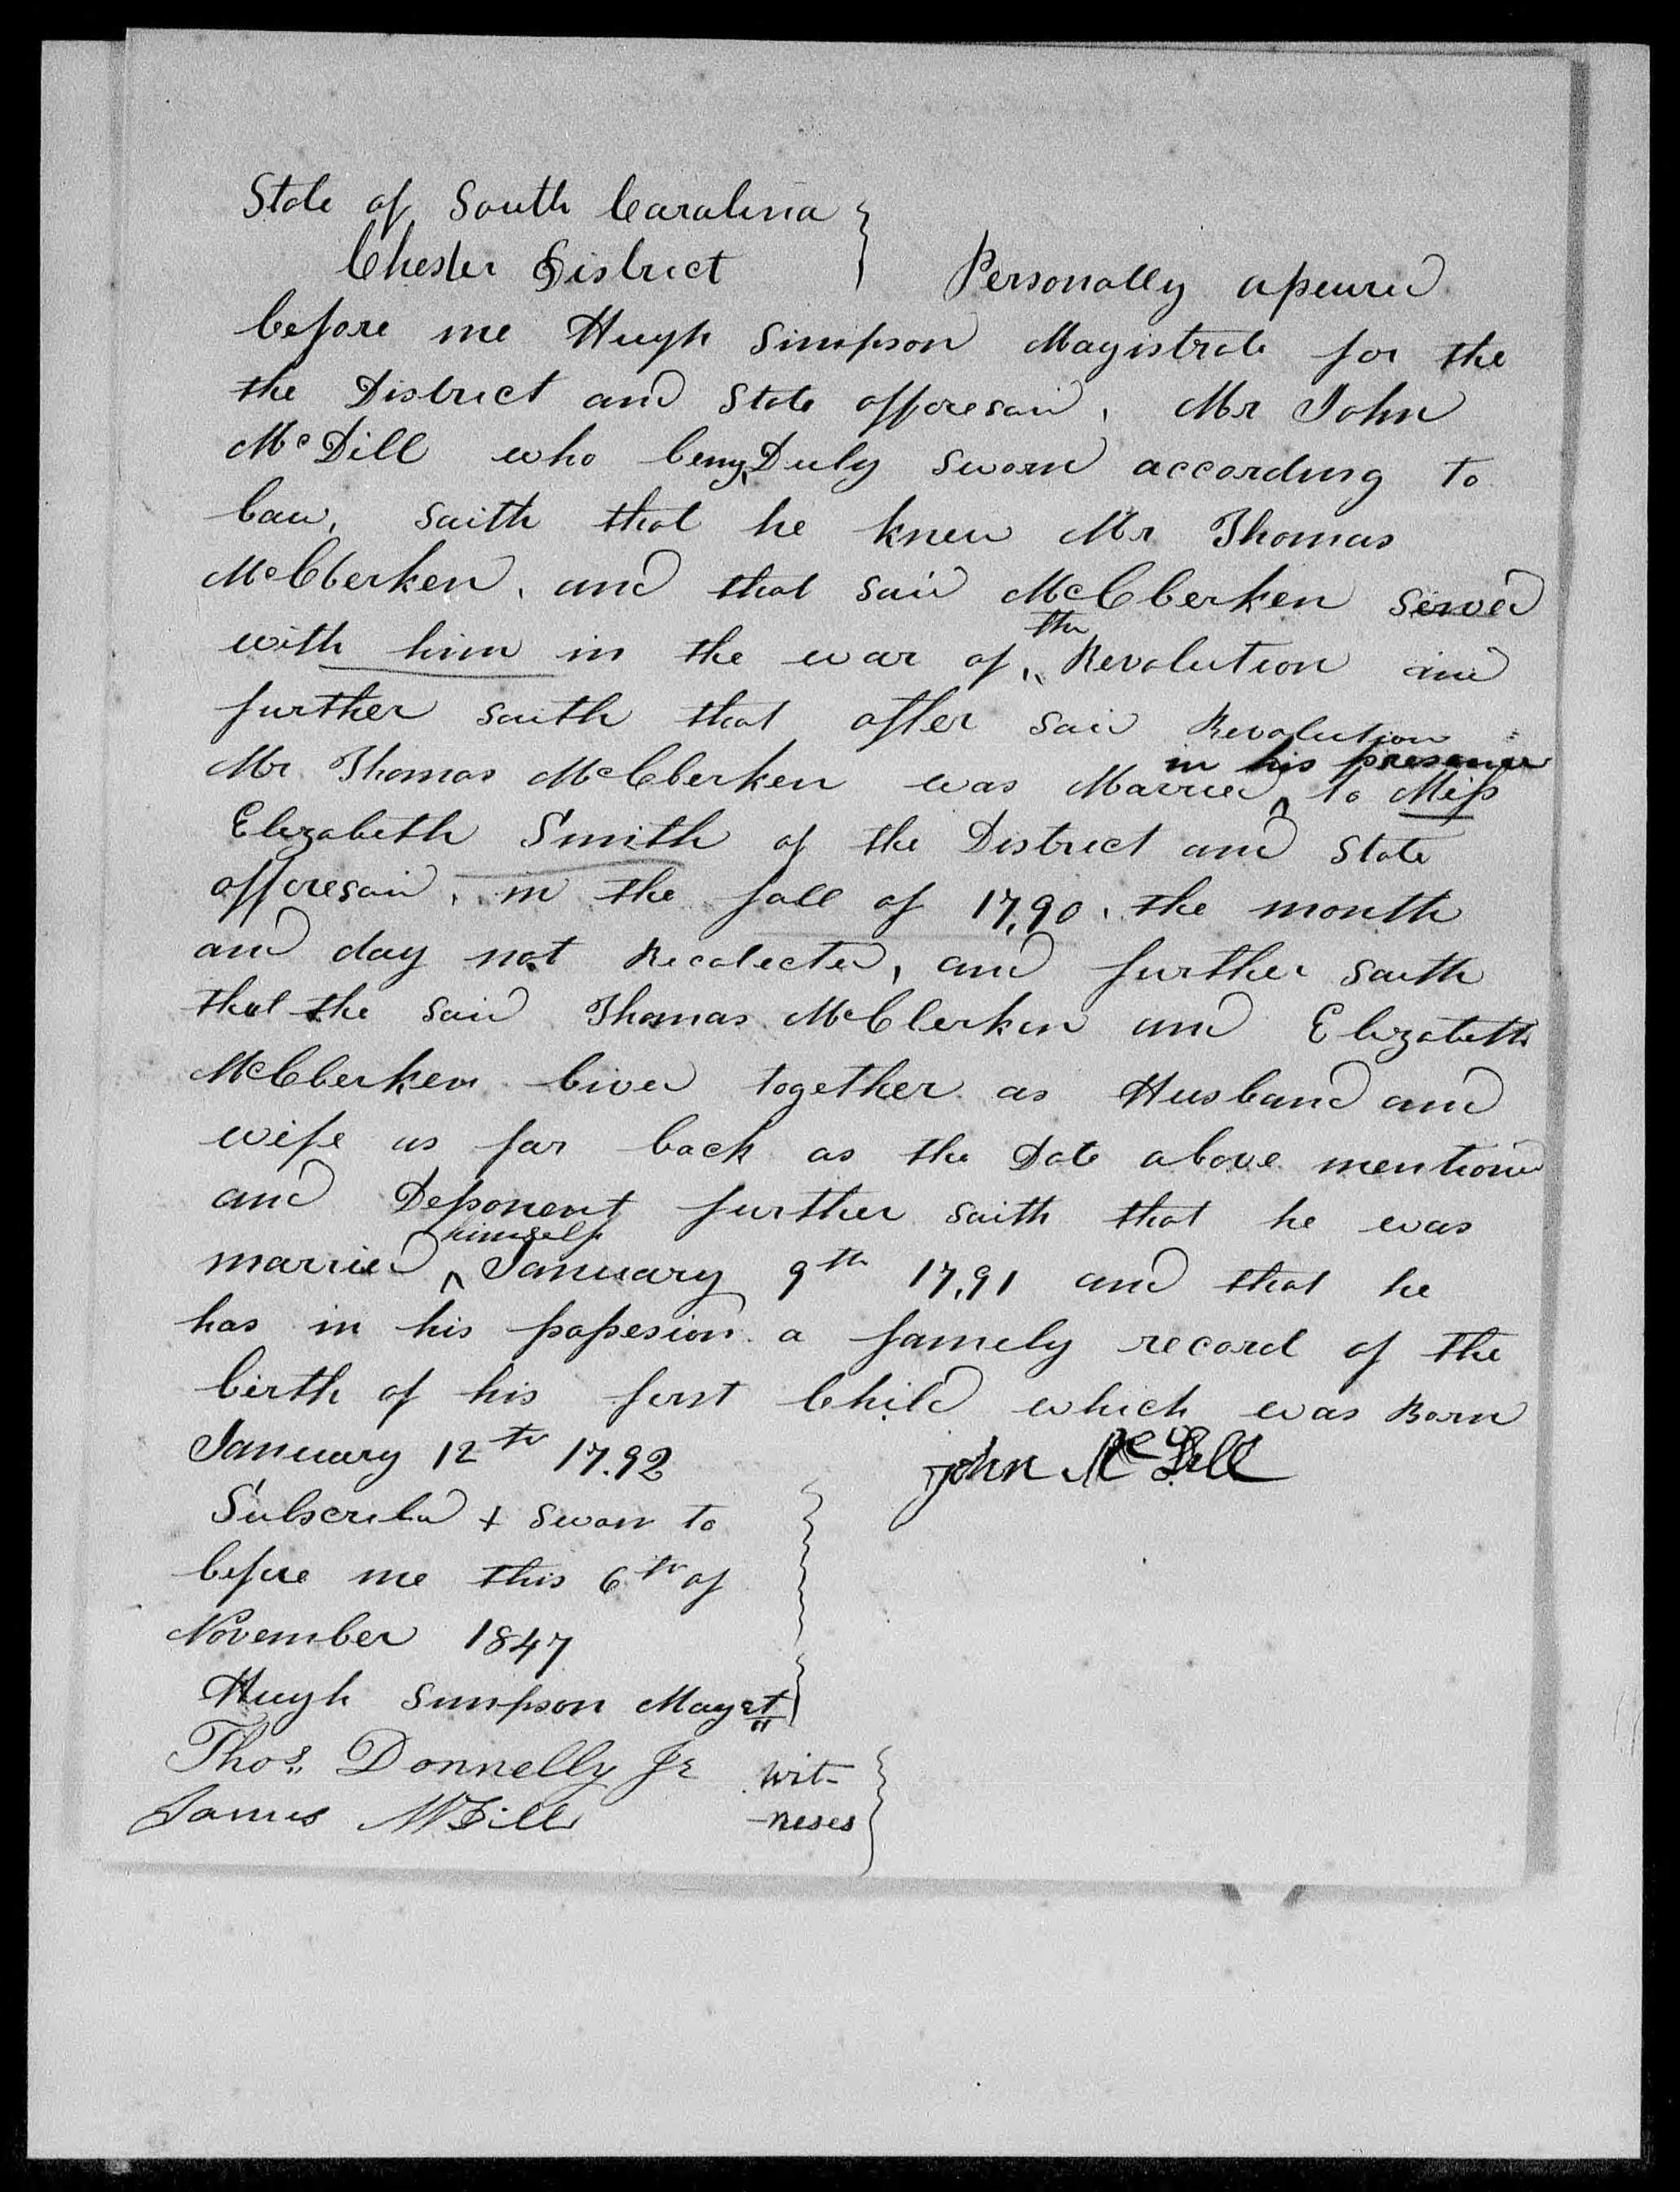State of South Carolina} 
Chester District}

Personally appeared before me Hugh Simpson Magistrate for the the District and State aforesaid, Mr John McDill who being duly sworn according to law, saith that he knew Mr. Thomas to McClurken, and that said McClurken served with him in the war of the Revolution further saith that after said Revolution Mr. Thomas McClurken was Married in his presence to Miss Elizabeth Smith of the District and State aforesaid in the fall of 1790, the month and day not recollected, and further saith that the said Thomas McClurken and Elizabeth McClurken live together as Husband and wife and as far back as the Date above mentioned and Deponent further saith that he was Married himself January 9th 1791 and that he has in his possession a family record of the birth of his first child which was Born January 12th 1792. 
John McDill

Subscribed & sworn to 
 before me this 6th of 
November 1847 

Hugh Simpson Magst. 
Thos. Donnelly Jr. 
James McGill 
Witnesses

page: 43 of 93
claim: widow's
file: W. 21792, for Thomas Mc Clurken, South Carolina